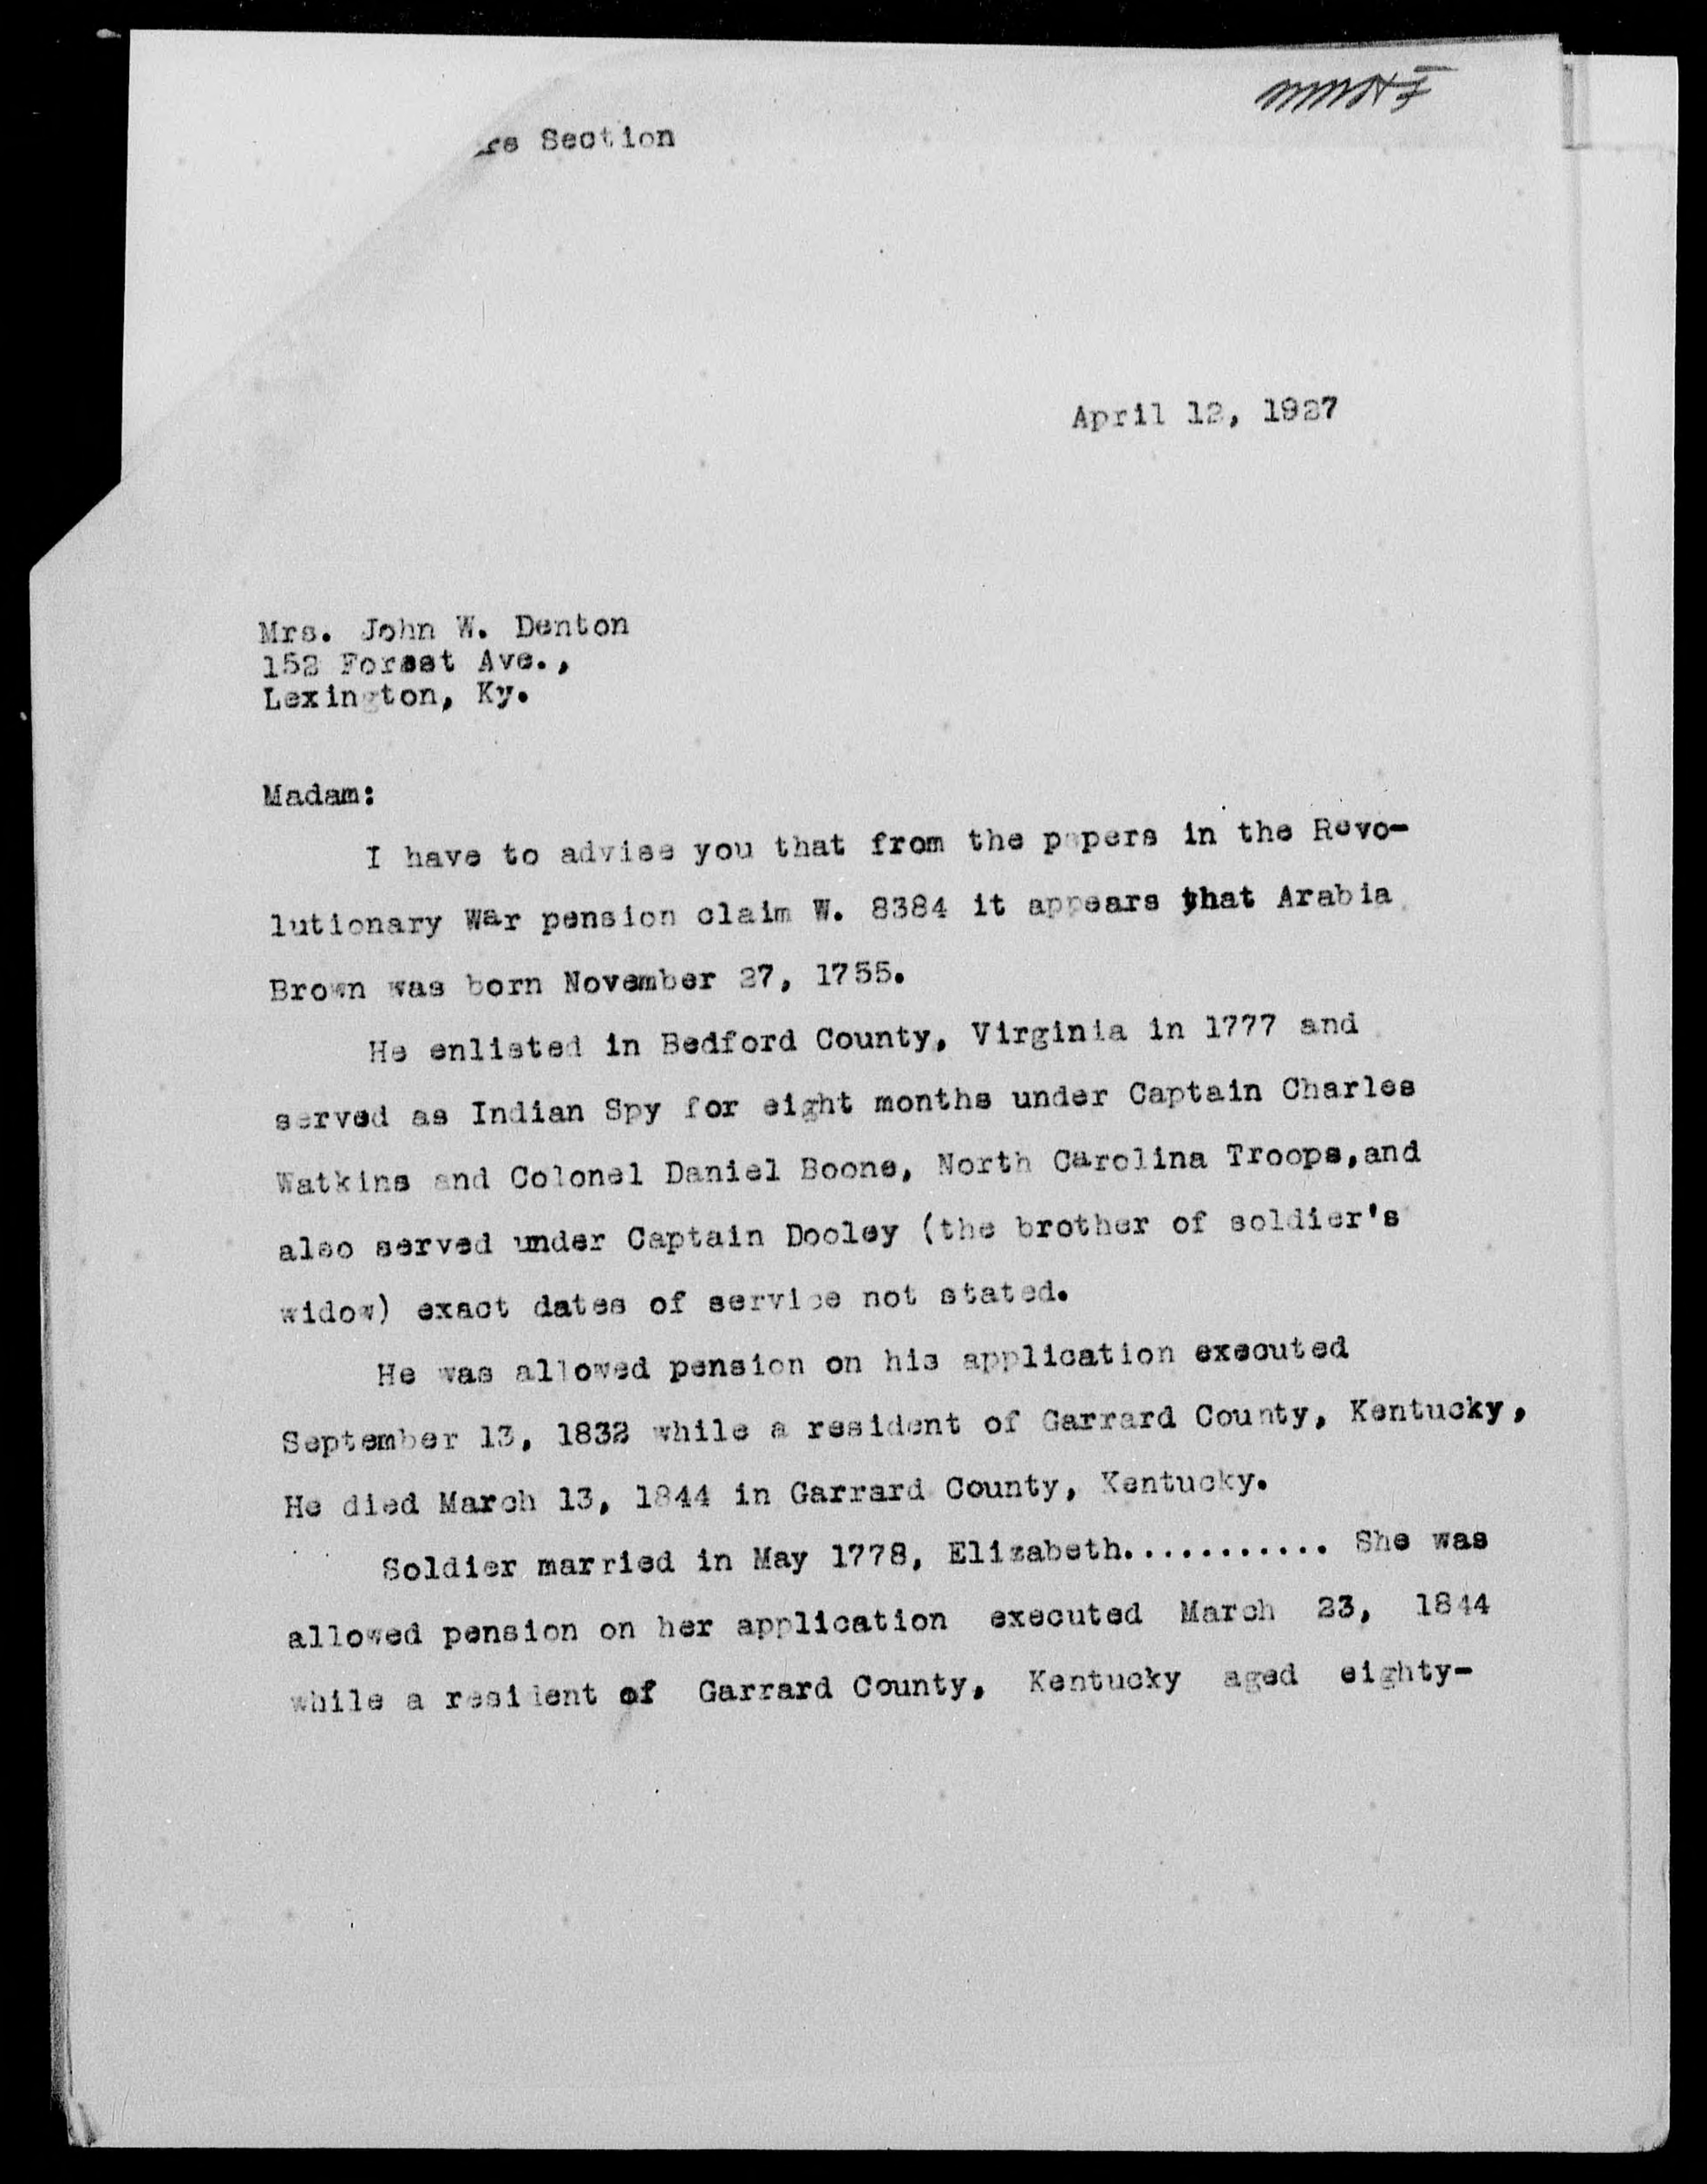April 12, 1927
Mrs. John W. Denton
152 Forest Ave.,
Lexington, Ky.
Madam:
I have to advise you that from the papers in the Revo-lutionary War pension claim W. 8384 it appears that Arabia Brown was born November 27, 1755.
He enlisted in Bedford County, Virginia in 1777 and served as Indian Spy for eight months under Captain Charles Watkins and Colonel Daniel Boone, North Carolina Troops, and also served under Captain Dooley (the brother of soldier's widow) exact dates of service not stated.
He was allowed pension on his application executed September 13, 1832 while a resident of Garrard County, Kentucky, He died March 13, 1844 in Garrard County, Kentucky.
Soldier married in May 1778, Elizabeth........... She was allowed pension on her application executed March 23, 1844 while a resident of Garrard County, Kentucky aged eighty-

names: Dooley, John W Denton, Daniel Boone, Arabia Brown, Elizabeth, Charles Watkins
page: 44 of 65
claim: widow's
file: W. 8384, Arabia Brown, Va.